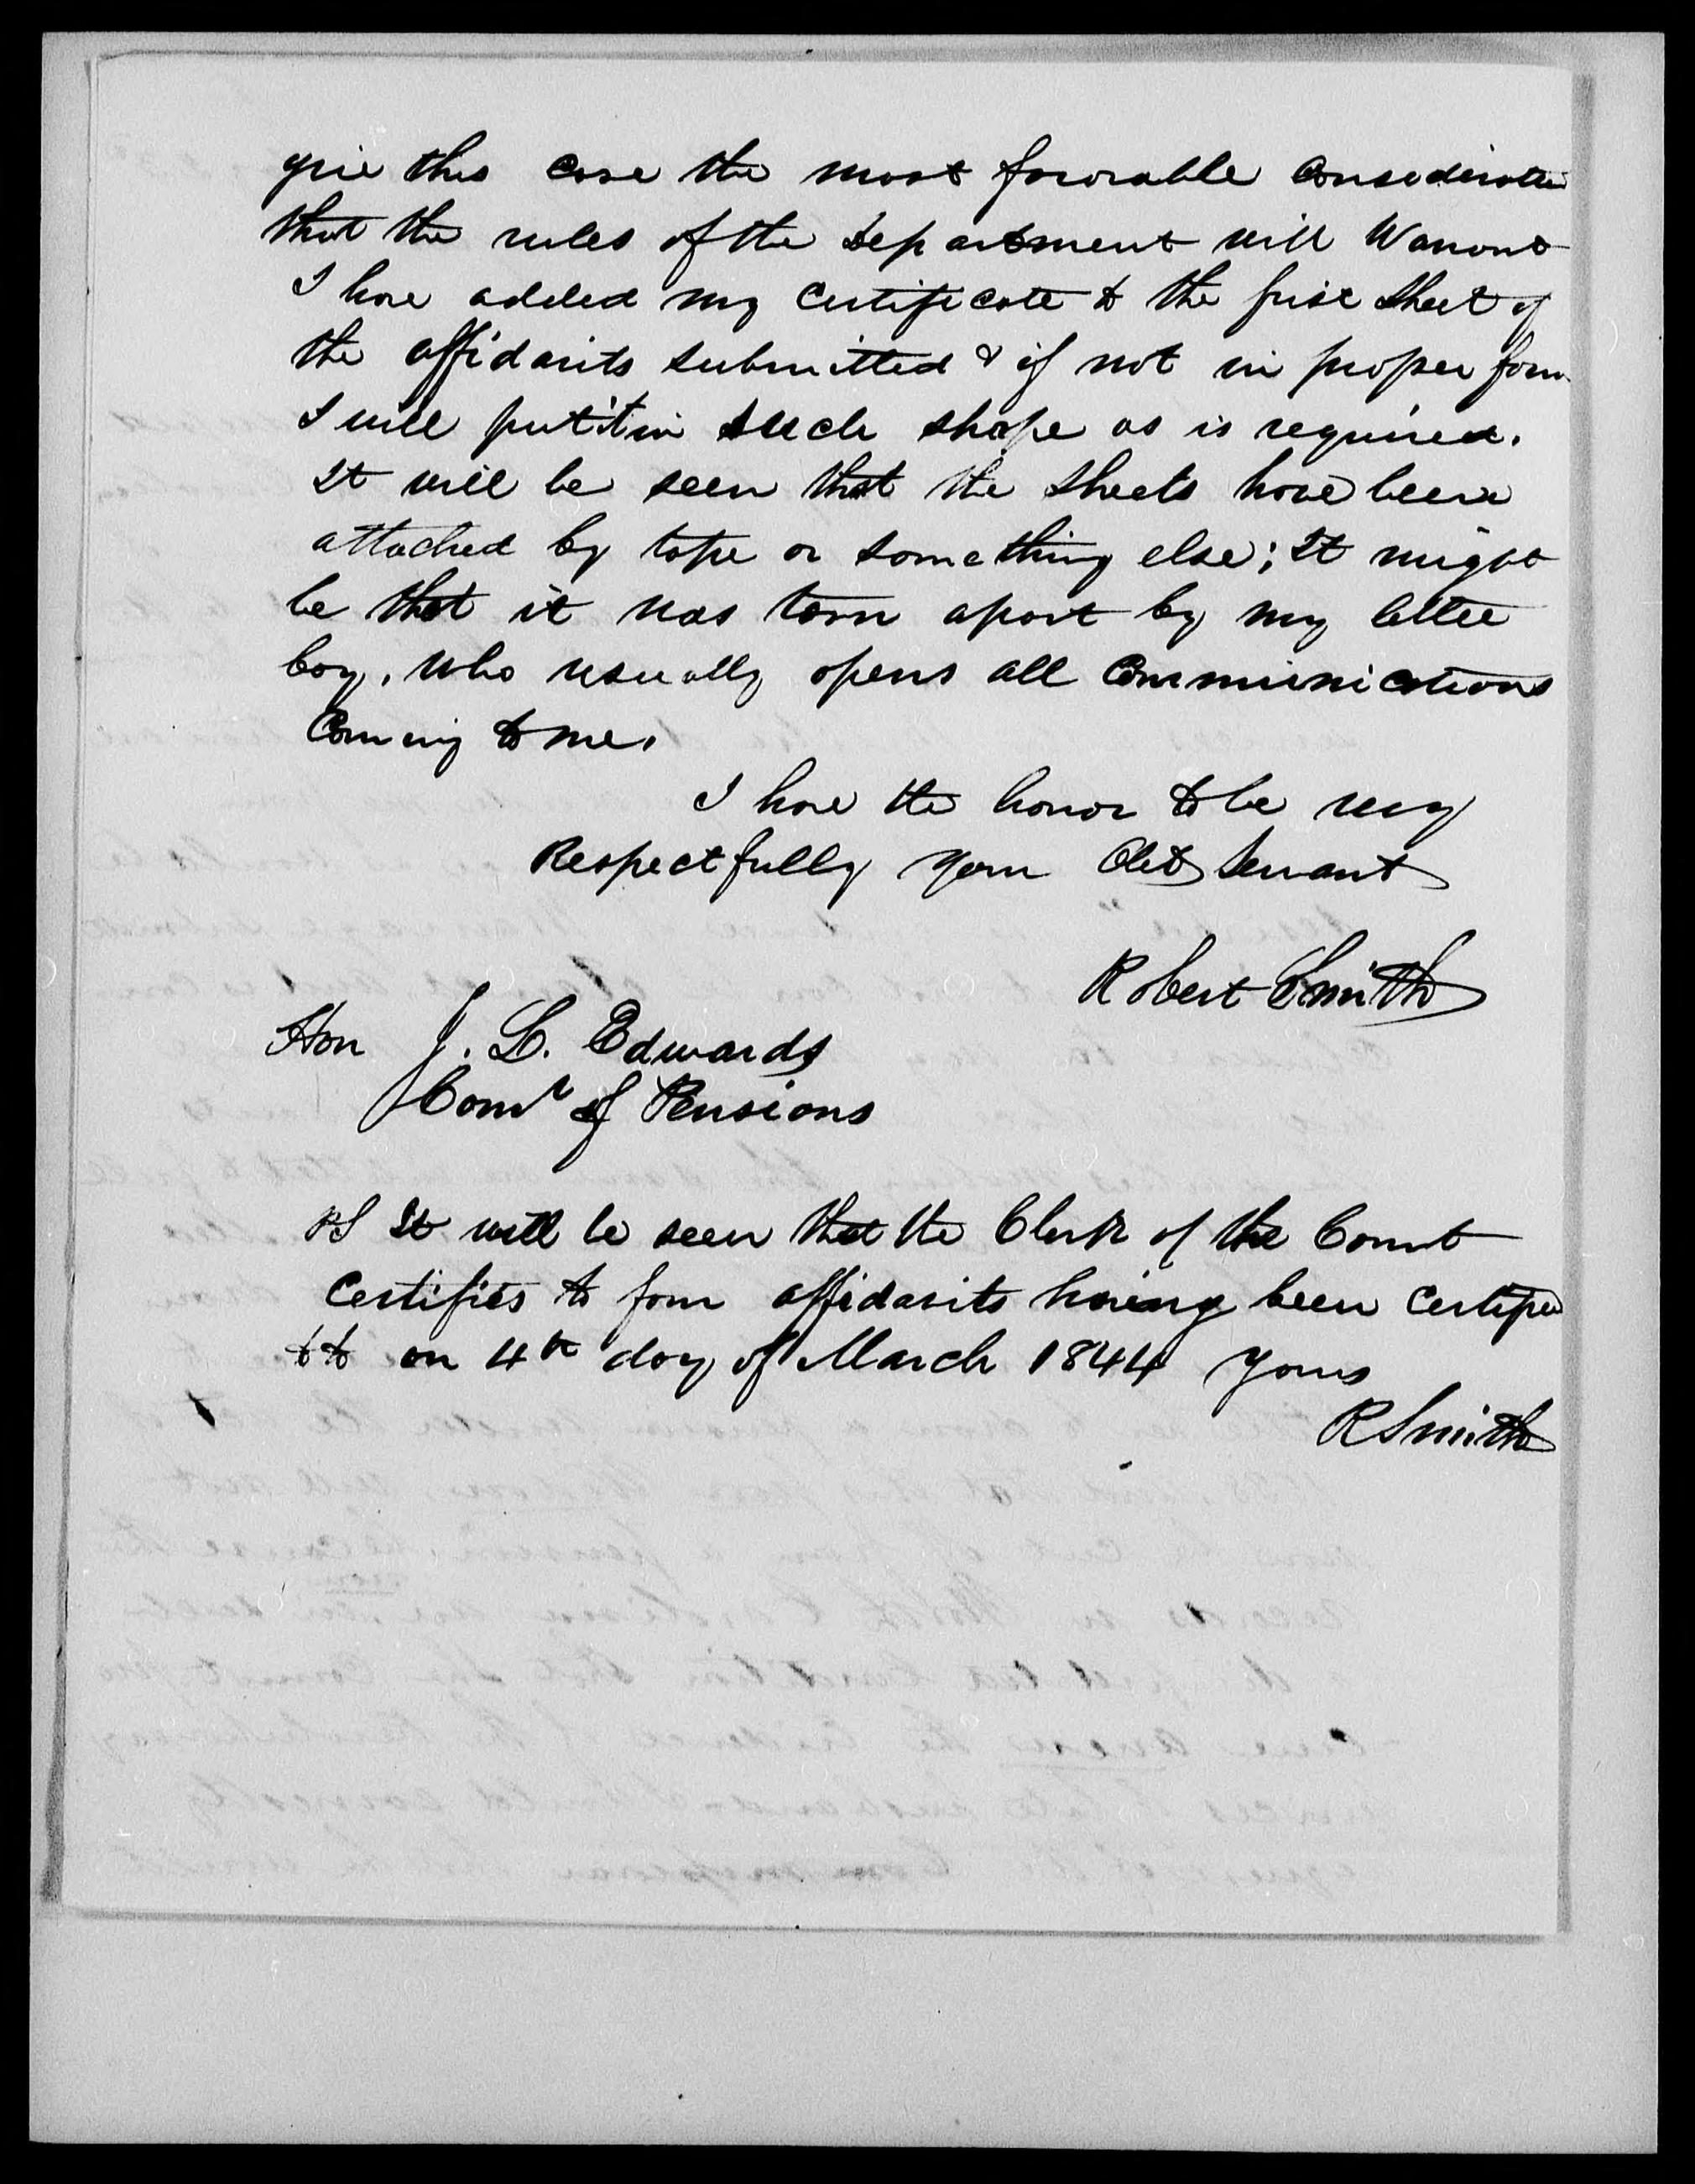give this case the most favorable consideration that the rules of the Department will Warrant. 
I have added my certificate to the first sheet of the affidavits submitted & if not in proper form I will put it in such shape as is required. 
It will be seen that the sheets have been attached by tape or something else; It might be that it was torn apart by my letter by who usually opens all communications coming to me.
I have the honor to be very Respectfully your Obt Servant 
Robert Smith 

Hon J. L. Edwards
Com of Pensions

P S It will be seen that the Clerk of the Court certifies to four affidavits having been certified to on 4th day of March 1844 Yours
R Smith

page: 35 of 67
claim: widow's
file: W. 21793, for George Mc Lain, North Carolina